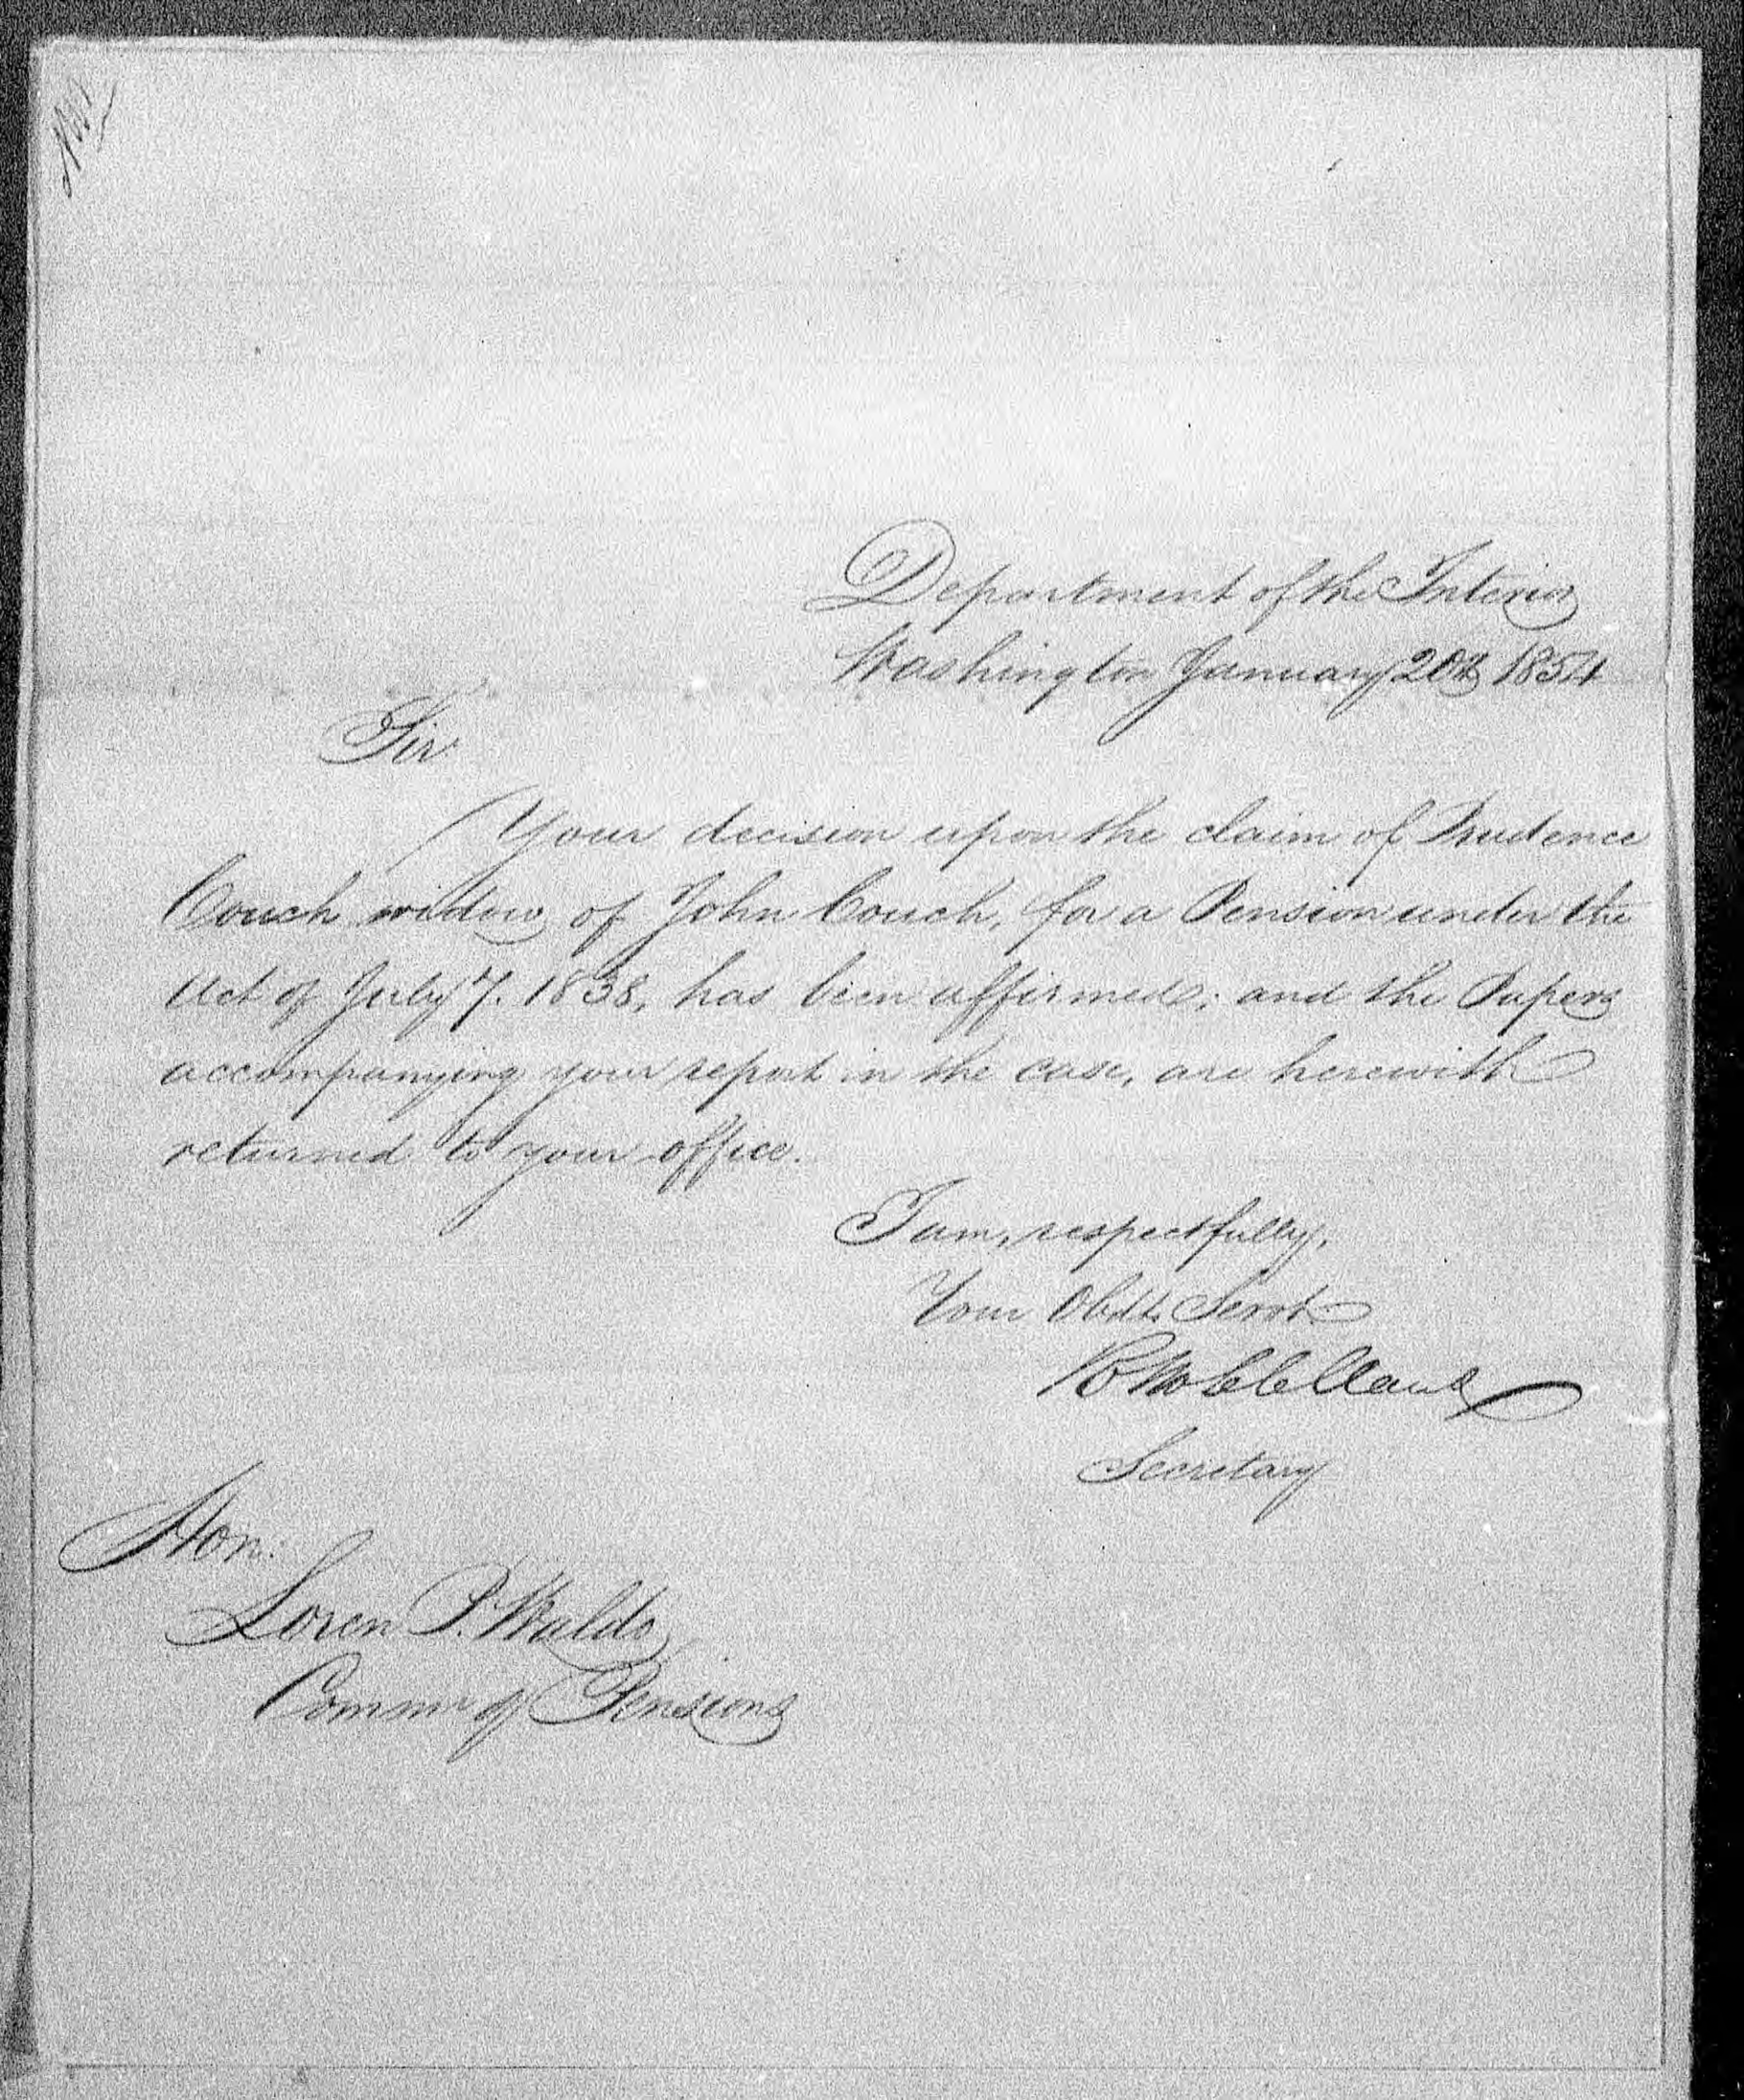Department of the Interior
Washington January 20th 1854
Sir
Your decision upon the claim of Prudence Couch widow of John Couch, for a Pension under the act of July 7, 1838, has been affirmed; and the papers accompanying your report in the case, are herewith returned to your office.
I am, respectfully, your obdt servt
R Mc Clelland
Secretary

Hon Loren P Waldo
Comm of Pensions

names: R Mc Clelland, Prudence Couch, Loren P Waldo, John Couch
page: 46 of 68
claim: rejected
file: R. 2,360, John Couch, Conn.